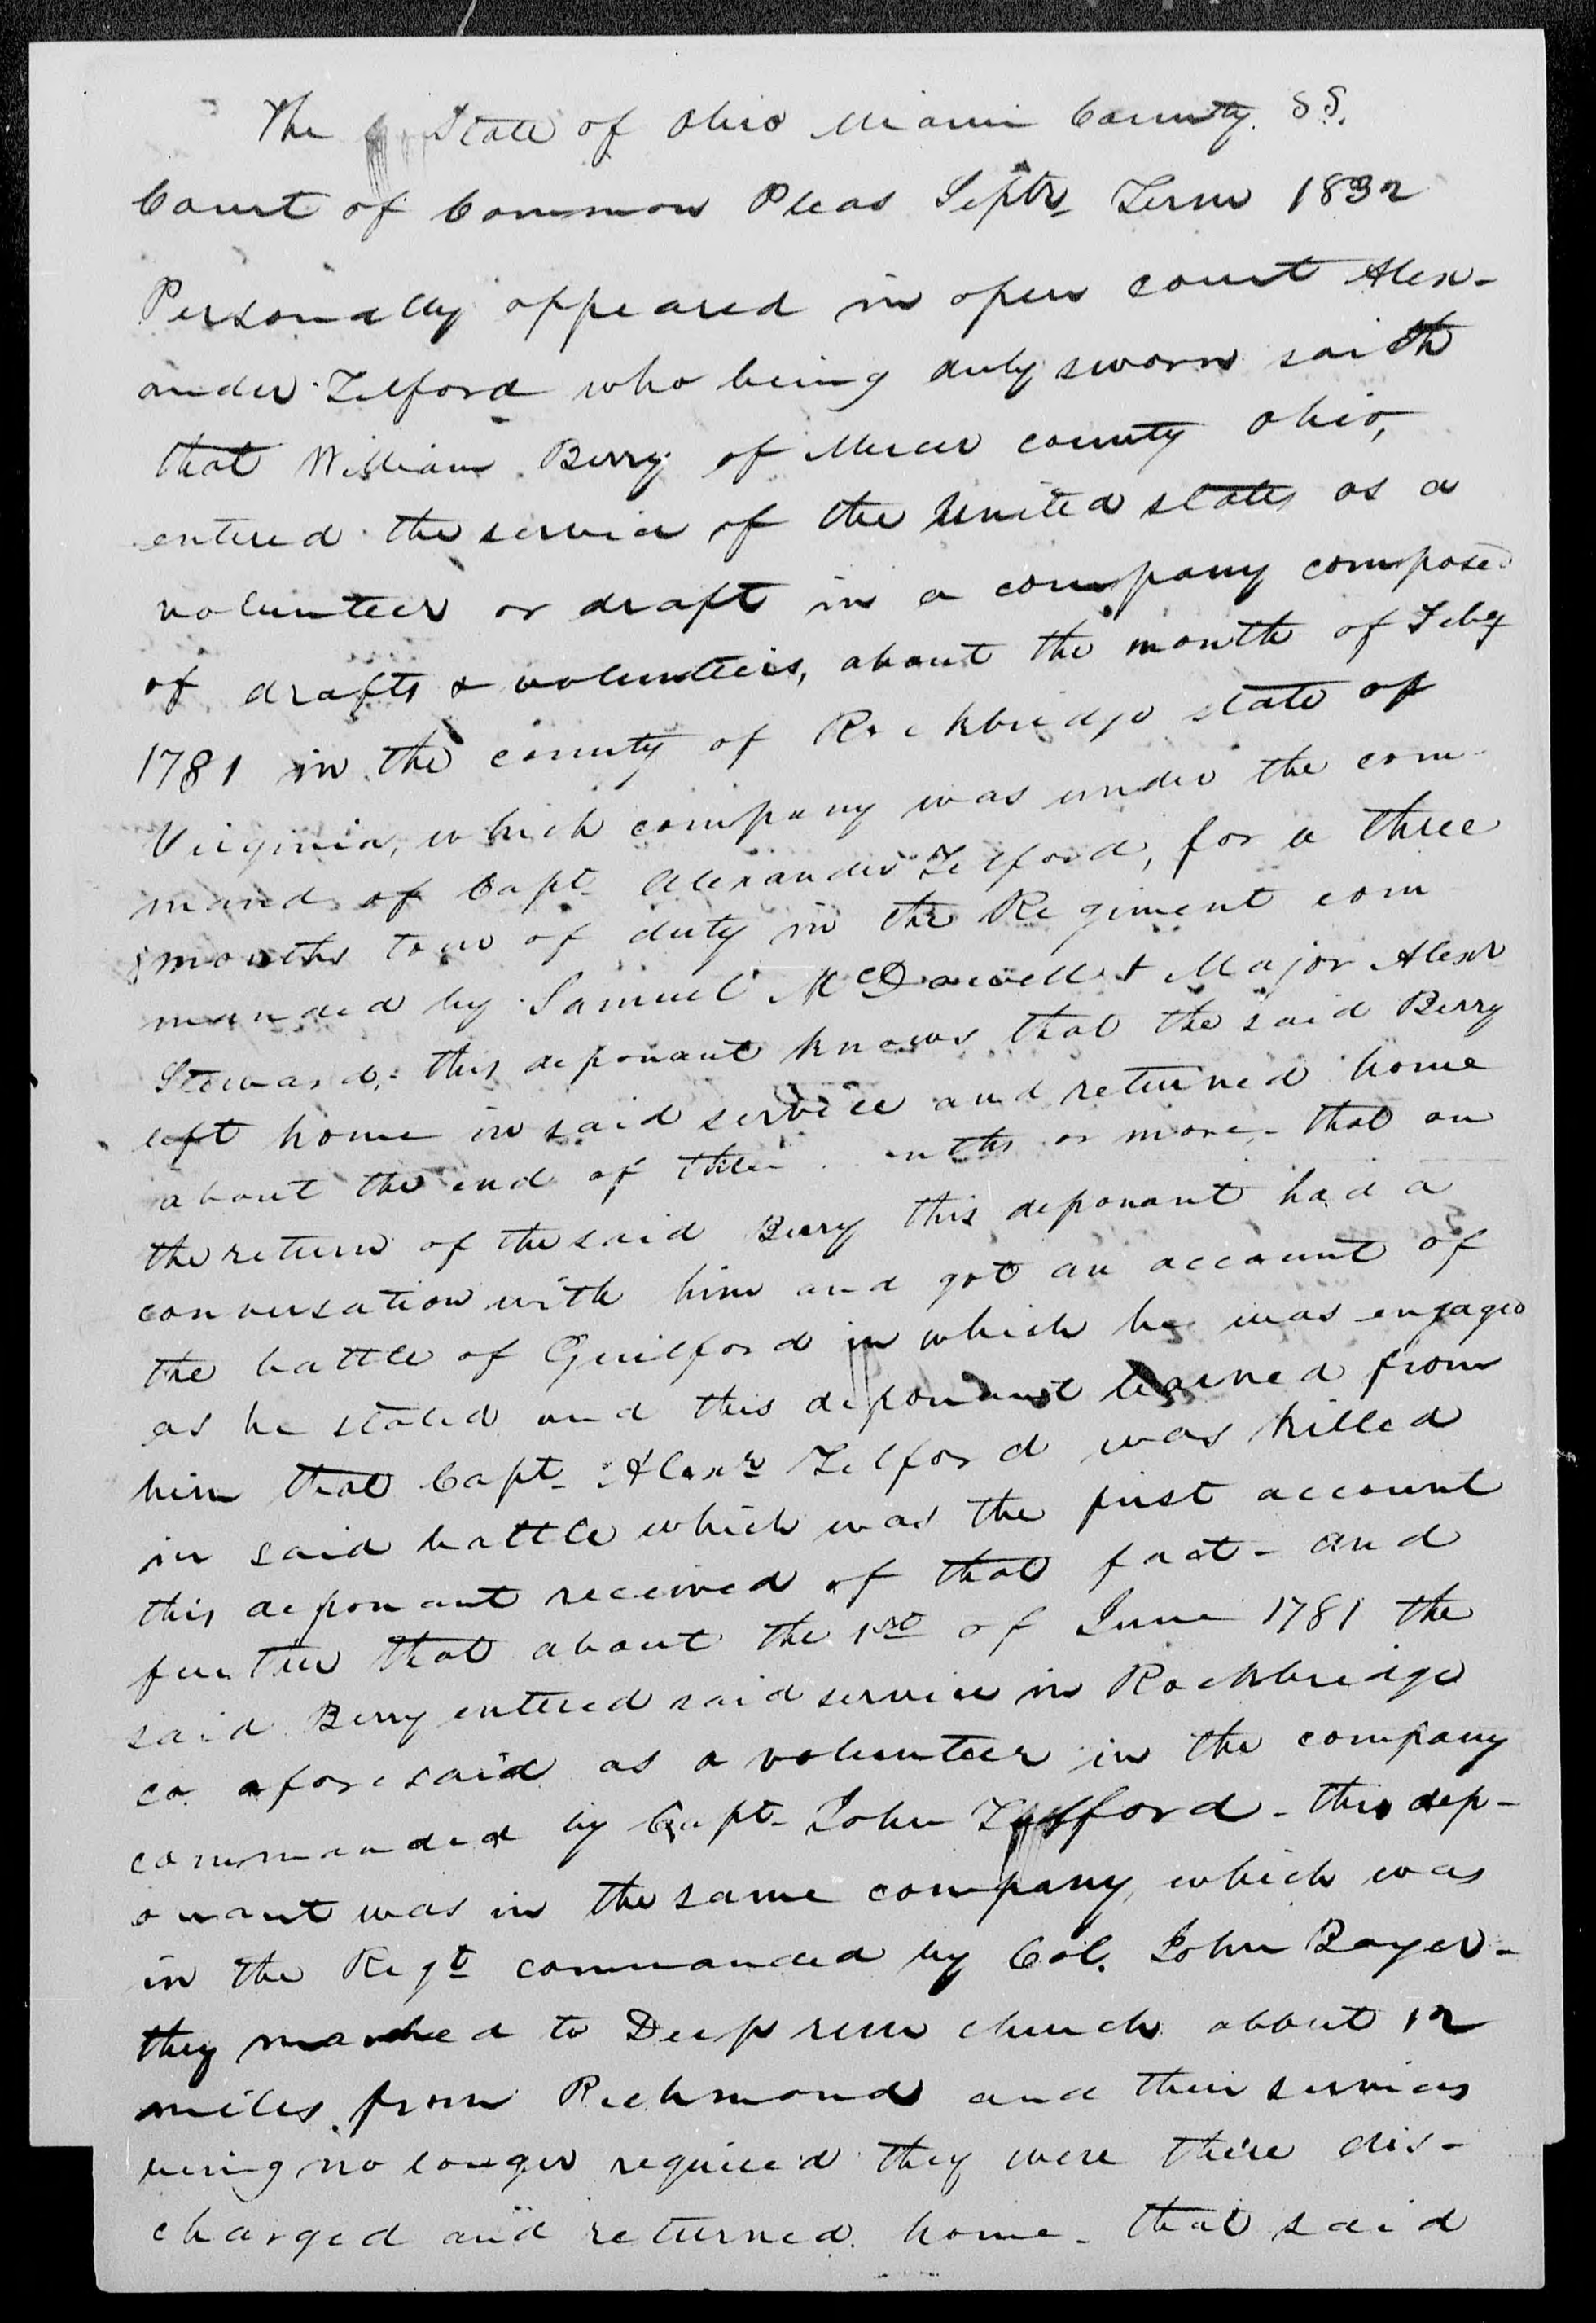The State of Ohio Miami County. S.S. 
Court of Common Pleas Septr. [September] Term 1832 

Personally appeared in open court Alexander Telford who being duly sworn saith that William Berry of Mercer county Ohio, entered the service of the United states as a volunteer or draft in a company composed of drafts & volunteers, about the month of Feby 1781 in the county of Rockbridge state of Virginia, which company was under the command of Capt. Alexander Telford, for a three months tour of duty in the Regiment commanded by Samuel McDowell & Major Alex’r [Alexander] Steward; this deponant [deponent] knows that the said Berry left home in said service and returned home about the end of three months or more – that on the return of the said Berry this deponant had a conversation with him and got an account of the battle of Guilford in which he was engaged as he stated and this deponant learned from him that Capt. Alex’r Telford was killed in said battle which was the first account this deponant received of that fact – and further that about the 1st of June 1781 the said Berry entered said service in Rockbridge Co. aforesaid as a volunteer in the company commanded by Capt. John Telford – this deponant was in the same company, which was in the Regt commanded by Col. John Boyer – they marched to Deep river church about 12 miles from Richmond and their services being no longer required they were there discharged and returned home – that said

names: Alexr Telford, Alexander Telford, William Berry, John Telford, Berry, Berry, John Boyer, Berry, Alexr Steward, Alexander Tilford, Samuel Mc Dowell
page: 20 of 21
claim: survivor's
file: S. 2,371, William Berry, Va.